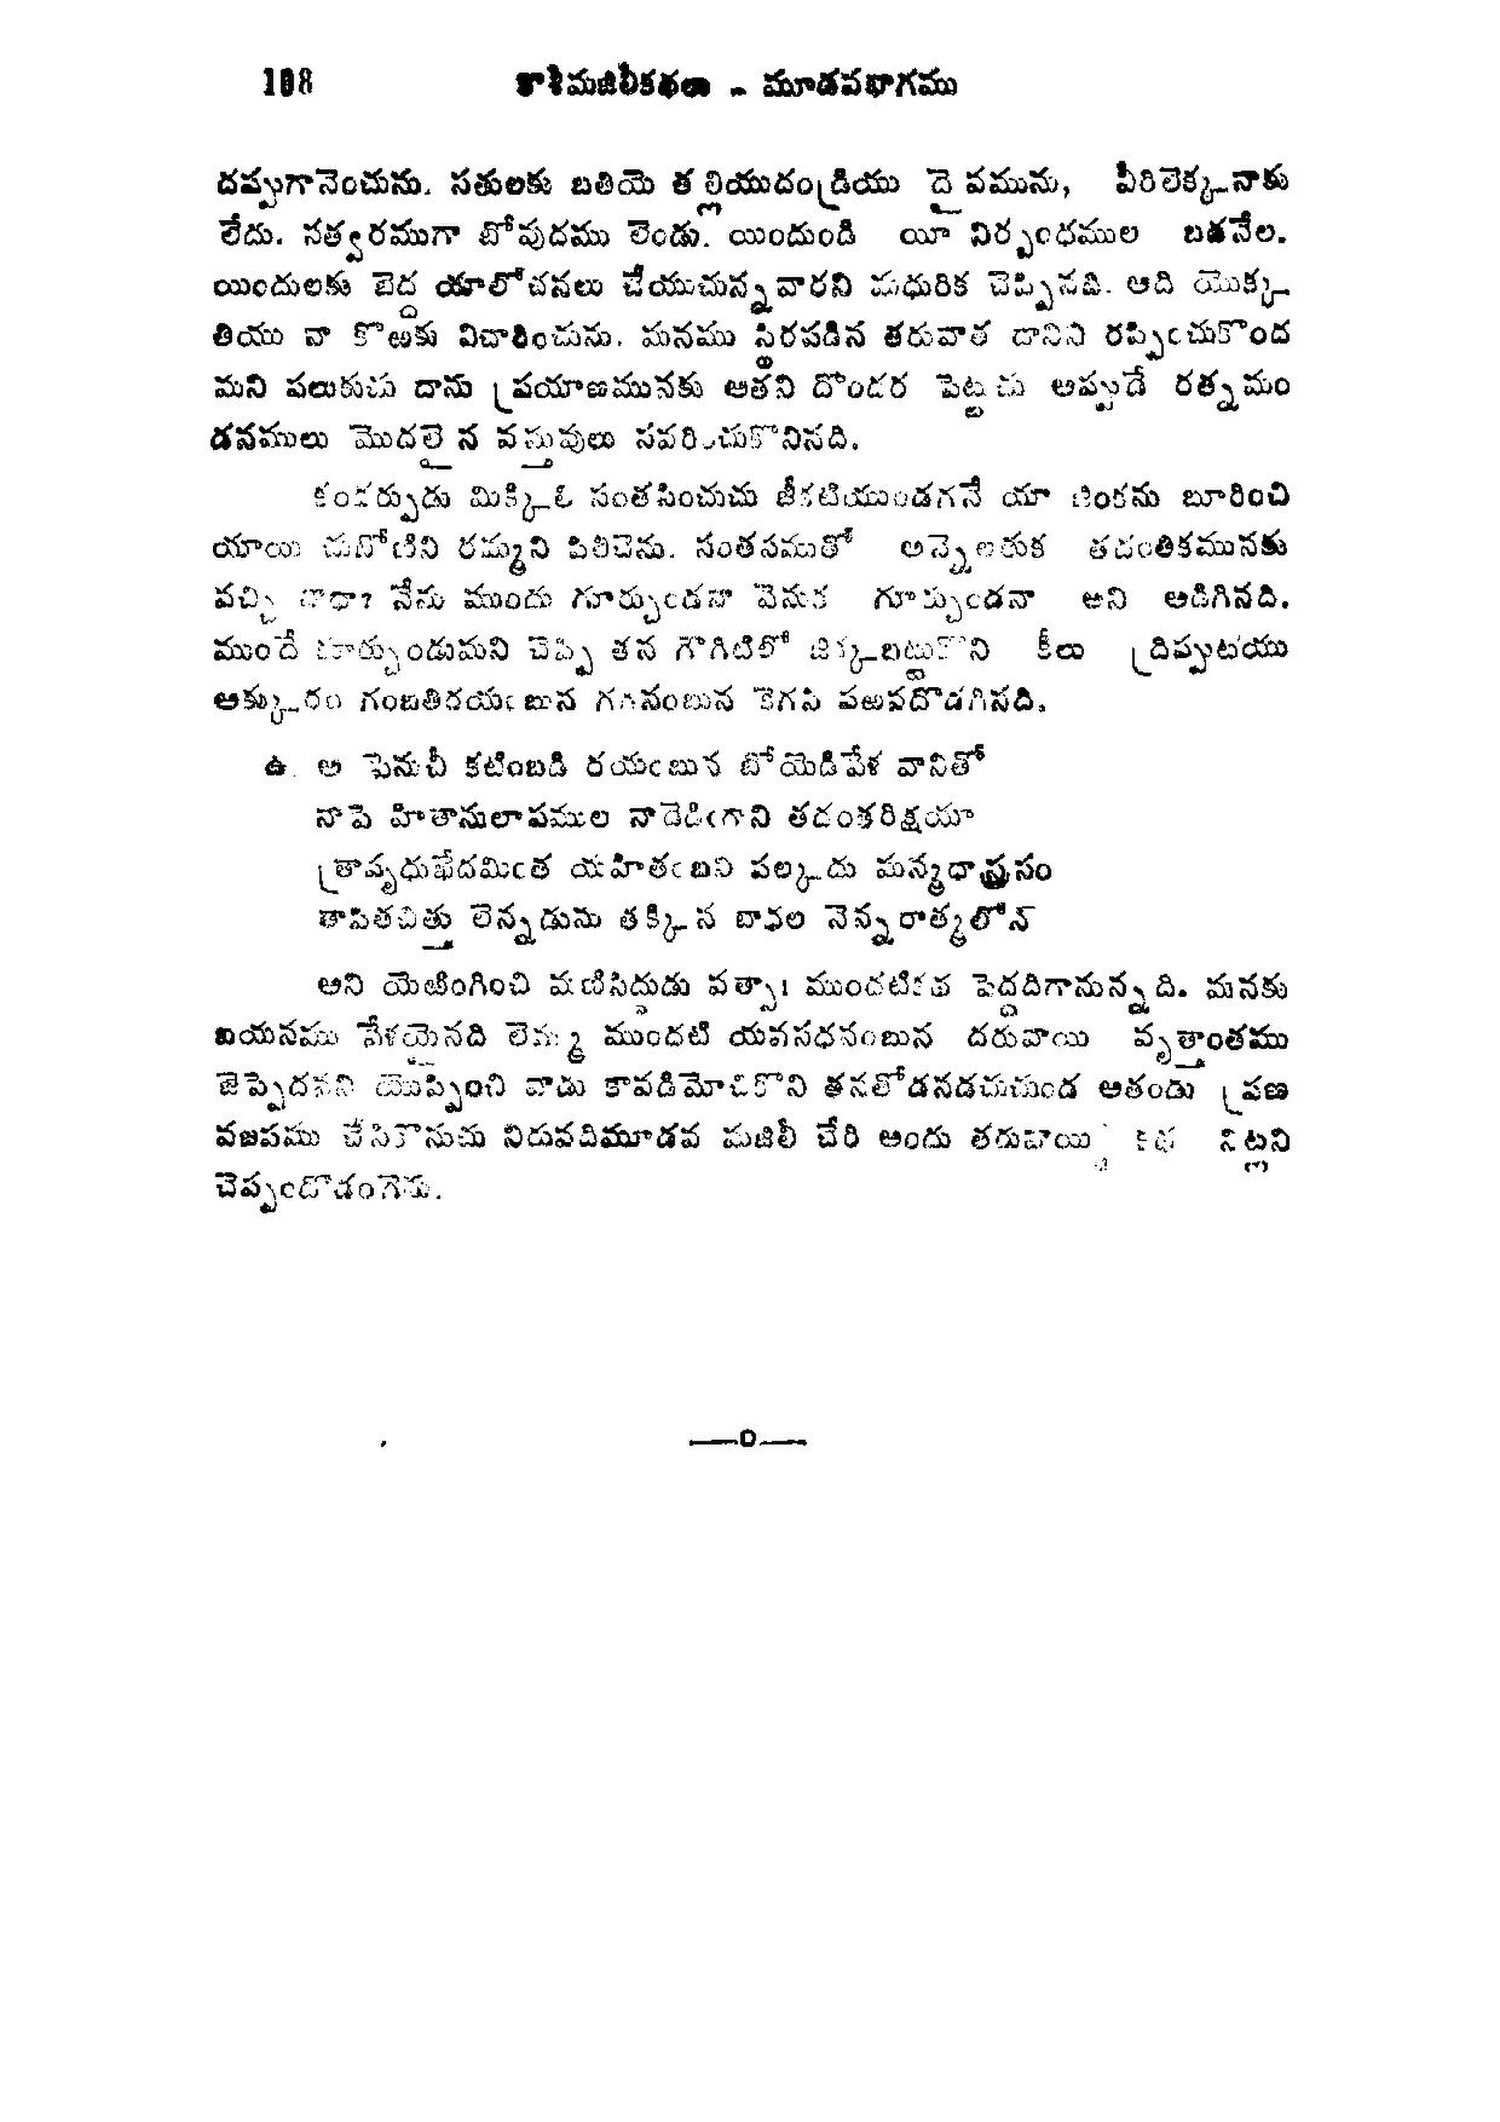దప్పుగానెంచును. సతులకు బతియె తల్లియుదండ్రియు దైవమును, వీరిలెక్కనాకు లేదు. సత్వరముగా బోవుదము లెండు. యిందుండి యీ నిర్బంధముల బడనేల. యిందులకు బెద్ద యాలోచనలు చేయుచున్న వారని మధురిక చెప్పినది. ఆది యొక్కతియు నా కొఱకు విచారించును. మనము స్థిరపడిన తరువాత దానిని రప్పించుకొందమని పలుకుచు దాను ప్రయాణమునకు ఆతని దొందర పెట్టుచు అప్పుడే రత్నమండనములు మొదలైన వస్తువులు సవరించుకొనినది.

కందర్పుడు మిక్కిలి సంతసించుచు జీకటియండగనే యా జింకను బూరించి యాయించుబోణిని రమ్మని పిలిచెను. సంతసముతో అన్నెలతుక తదంతికమునకు వచ్చి నాథా? నేను ముందు గూర్చుండనా వెనుక గూర్చుండనా అని అడిగినది. ముందే కూర్చుండుమని చెప్పి తన గౌగిటిలో జిక్కబట్టుకొని కీలు ద్రిప్పుటయు ఆక్కురంగం బతిరయంబున గగనంబున కెగసి పఱవదొడగినది.

ఉ. అ పెనుచీకటింబడి రయంబున బోయెడివేళ వానితో
 నాపె హితానులాపముల నాడెడిఁగాని తదంతరిక్షయా
 త్రాపృధుఖేదమింత యహితంబని పల్కదు మన్మథాస్త్రసం
 తాపితచిత్తు లెన్నడును తక్కి న బాధల నెన్నరాత్మలోన్.
అని యెఱింగించి మణిసిద్దుడు వత్సా! ముందటికథ పెద్దదిగానున్నది. మనకు బయనము వేళయైనది లెమ్ము ముందటి యవసధనంబున దరువాయి వృత్తాంతము జెప్పెదనని యొప్పించి వాడు కావడిమోచికొని తనతోడనడచుచుండ ఆతండు ప్రణవజపము చేసికొనుచు నిరువదిమూడవ మజిలీ చేరి అందు తరువాయి కథ నిట్లని చెప్పందొడంగెను.